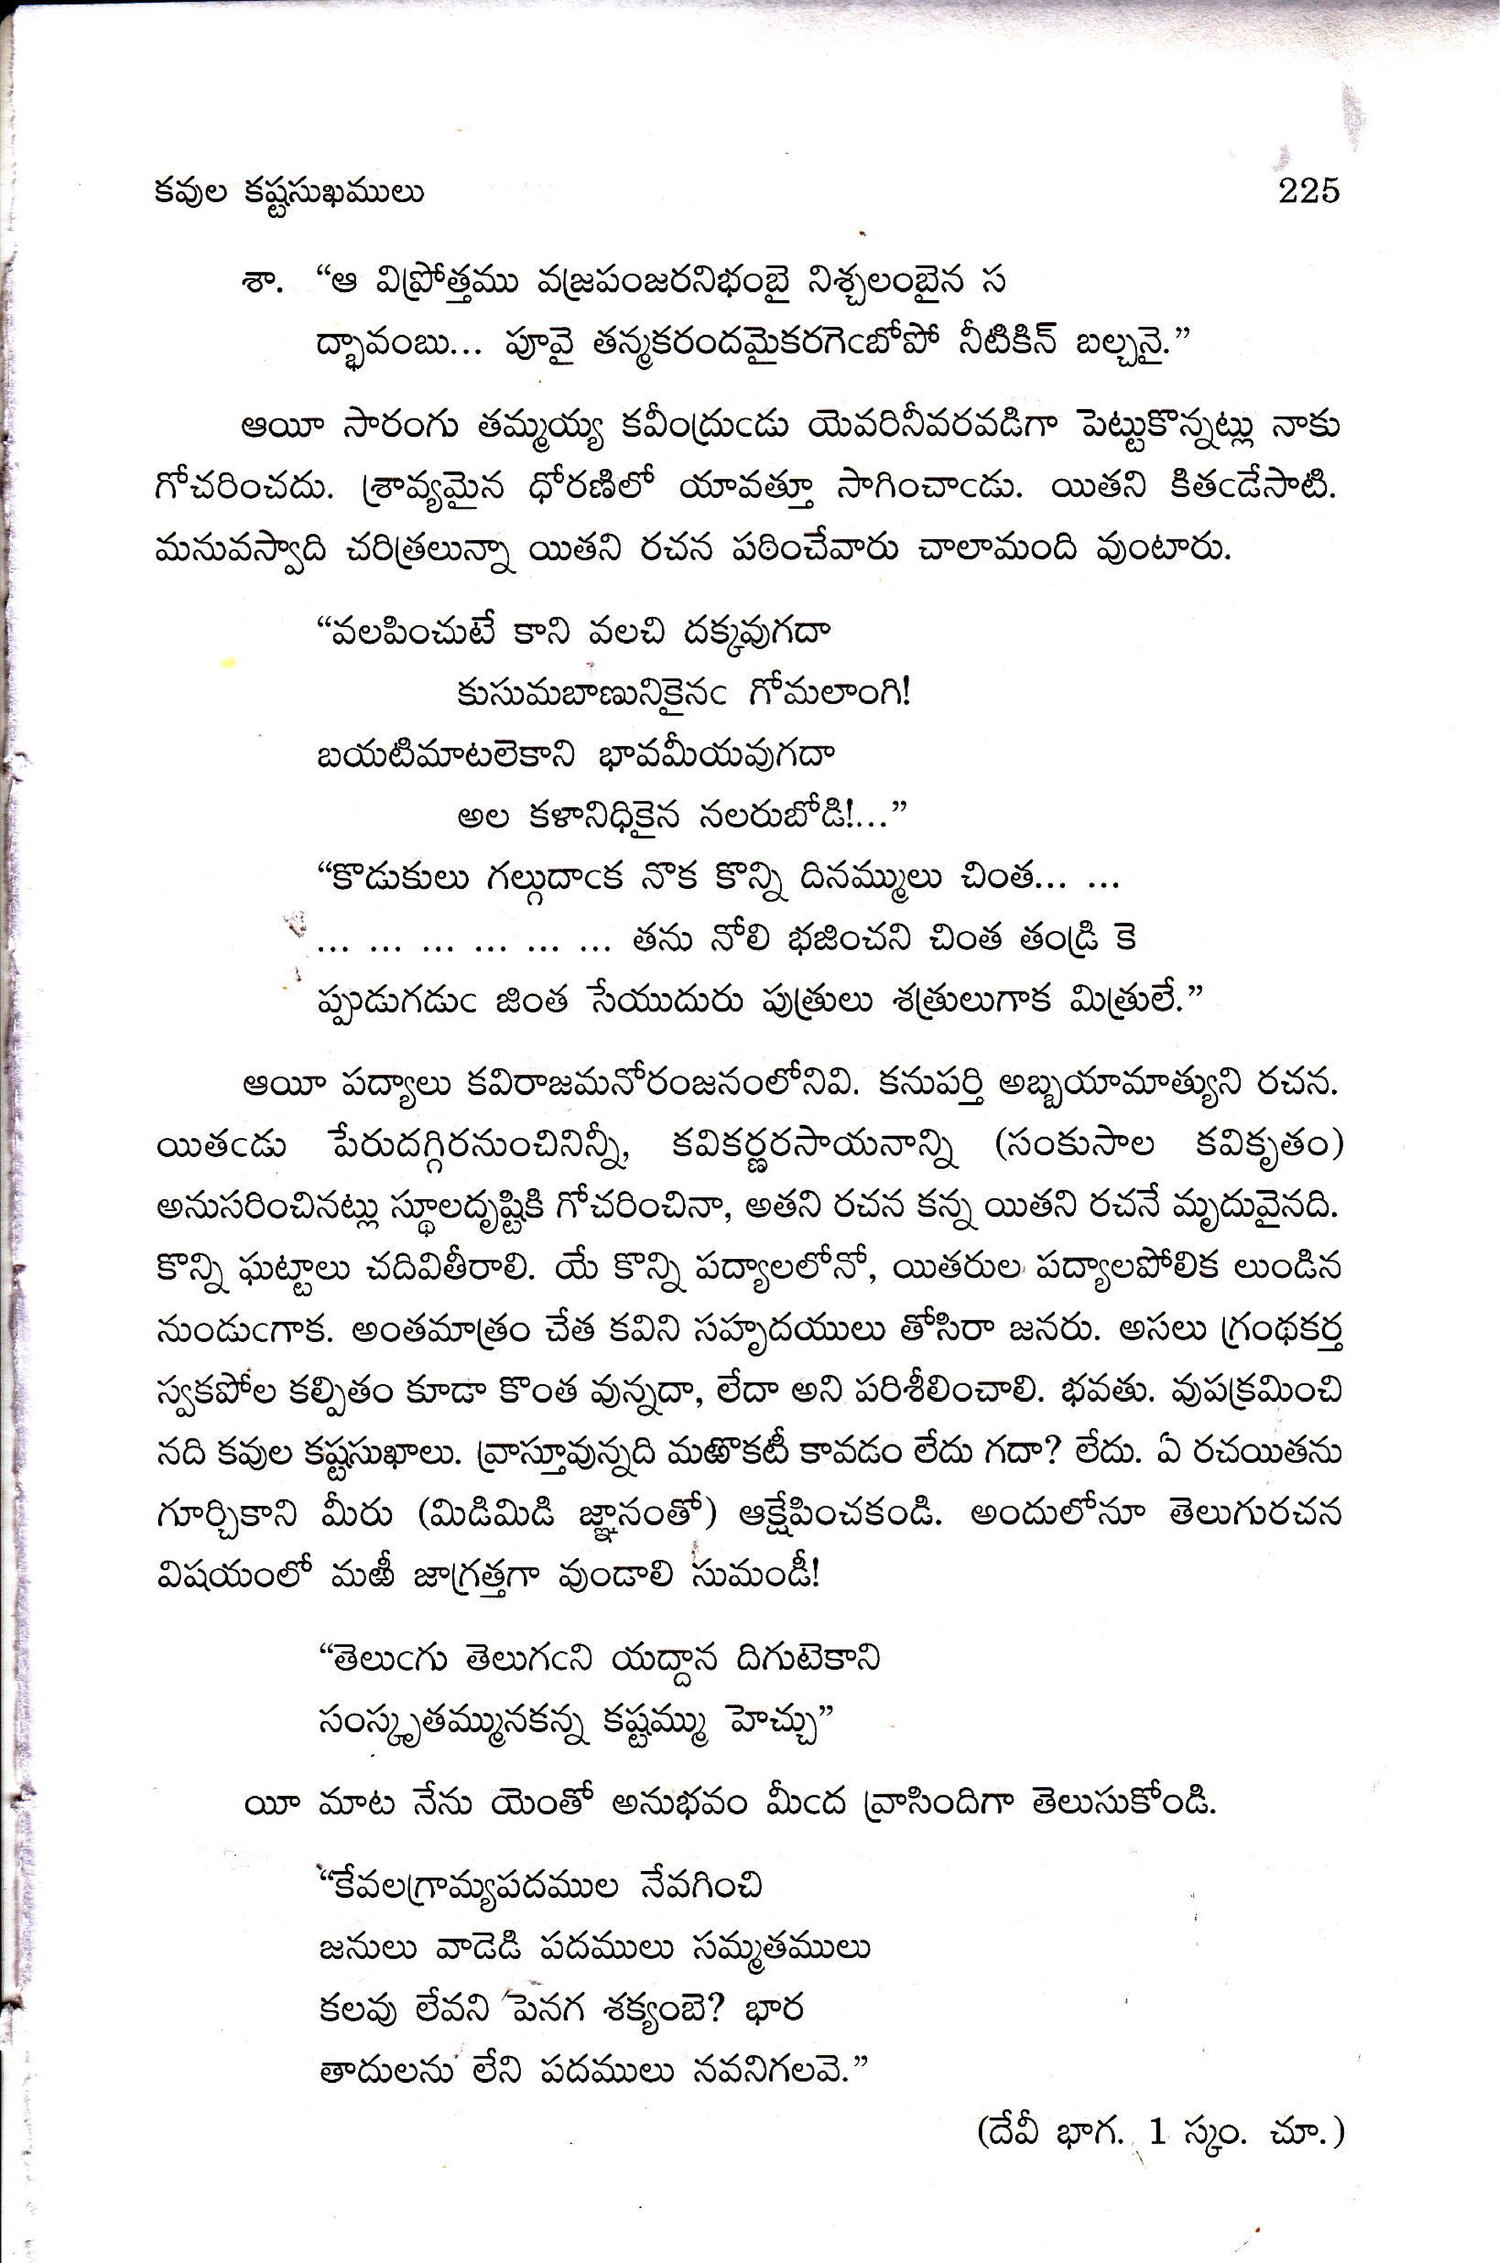శా. “ఆ విప్రోత్తము వజ్రపంజరనిభంబై నిశ్చలంబైన స
 ద్భావంబు... పూవై తన్మకరందమైకరగెఁబోపో నీటికిన్ బల్బనై."
ఆయీ సారంగు తమ్మయ్య కవీంద్రుఁడు యెవరినీవరవడిగా పెట్టుకొన్నట్లు నాకు గోచరించదు. శ్రావ్యమైన ధోరణిలో యావత్తూ సాగించాఁడు. యితని కితఁడేసాటి. మనువస్వాది చరిత్రలున్నా యితని రచన పఠించేవారు చాలామంది వుంటారు.

“వలపించుటే కాని వలచి దక్కవుగదా
 కుసుమబాణునికైనఁ గోమలాంగి! 
బయటిమాటలెకాని భావమీయవుగదా
 అల కళానిధికైన నలరుబోడి!...” 
“కొడుకులు గల్లుదాఁక నొక కొన్ని దినమ్ములు చింత... ... 
 ... ... ... ... ... ... తను నోలి భజించని చింత తండ్రి కె 
 ప్పుడుగడుఁ జింత సేయుదురు పుత్రులు శత్రులుగాక మిత్రులే."
ఆయీ పద్యాలు కవిరాజమనోరంజనంలోనివి. కనుపర్తి అబ్బయామాత్యుని రచన. యితఁడు పేరుదగ్గిరనుంచినిన్నీ కవికర్ణరసాయనాన్ని (సంకుసాల కవికృతం) అనుసరించినట్లు స్థూలదృష్టికి గోచరించినా, అతని రచన కన్న యితని రచనే మృదువైనది. కొన్ని ఘట్టాలు చదివితీరాలి. యే కొన్ని పద్యాలలోనో, యితరుల పద్యాలపోలిక లుండిన నుండుఁగాక. అంతమాత్రం చేత కవిని సహృదయులు తోసిరా జనరు. అసలు గ్రంథకర్త స్వకపోల కల్పితం కూడా కొంత వున్నదా, లేదా అని పరిశీలించాలి. భవతు. వుపక్రమించినది కవుల కష్టసుఖాలు. వ్రాస్తూవున్నది మఱొకటీ కావడం లేదు గదా? లేదు. ఏ రచయితను గూర్చికాని మీరు (మిడిమిడి జ్ఞానంతో) ఆక్షేపించకండి. అందులోనూ తెలుగురచన విషయంలో మఱీ జాగ్రత్తగా వుండాలి సుమండీ!

“తెలుఁగు తెలుగఁని యద్దాన దిగుటెకాని 
 సంస్కృతమ్మునకన్న కష్టమ్ము హెచ్చు"

యీ మాట నేను యెంతో అనుభవం మీఁద వ్రాసిందిగా తెలుసుకోండి.

“కేవలగ్రామ్యపదముల నేవగించి 
 జనులు వాడెడి పదములు సమ్మతములు 
 కలవు లేవని పెనగ శక్యంబె? భార 
 తాదులను లేని పదములు నవనిగలవె.”
 (దేవీ భాగ. 1 స్కం, చూ.)